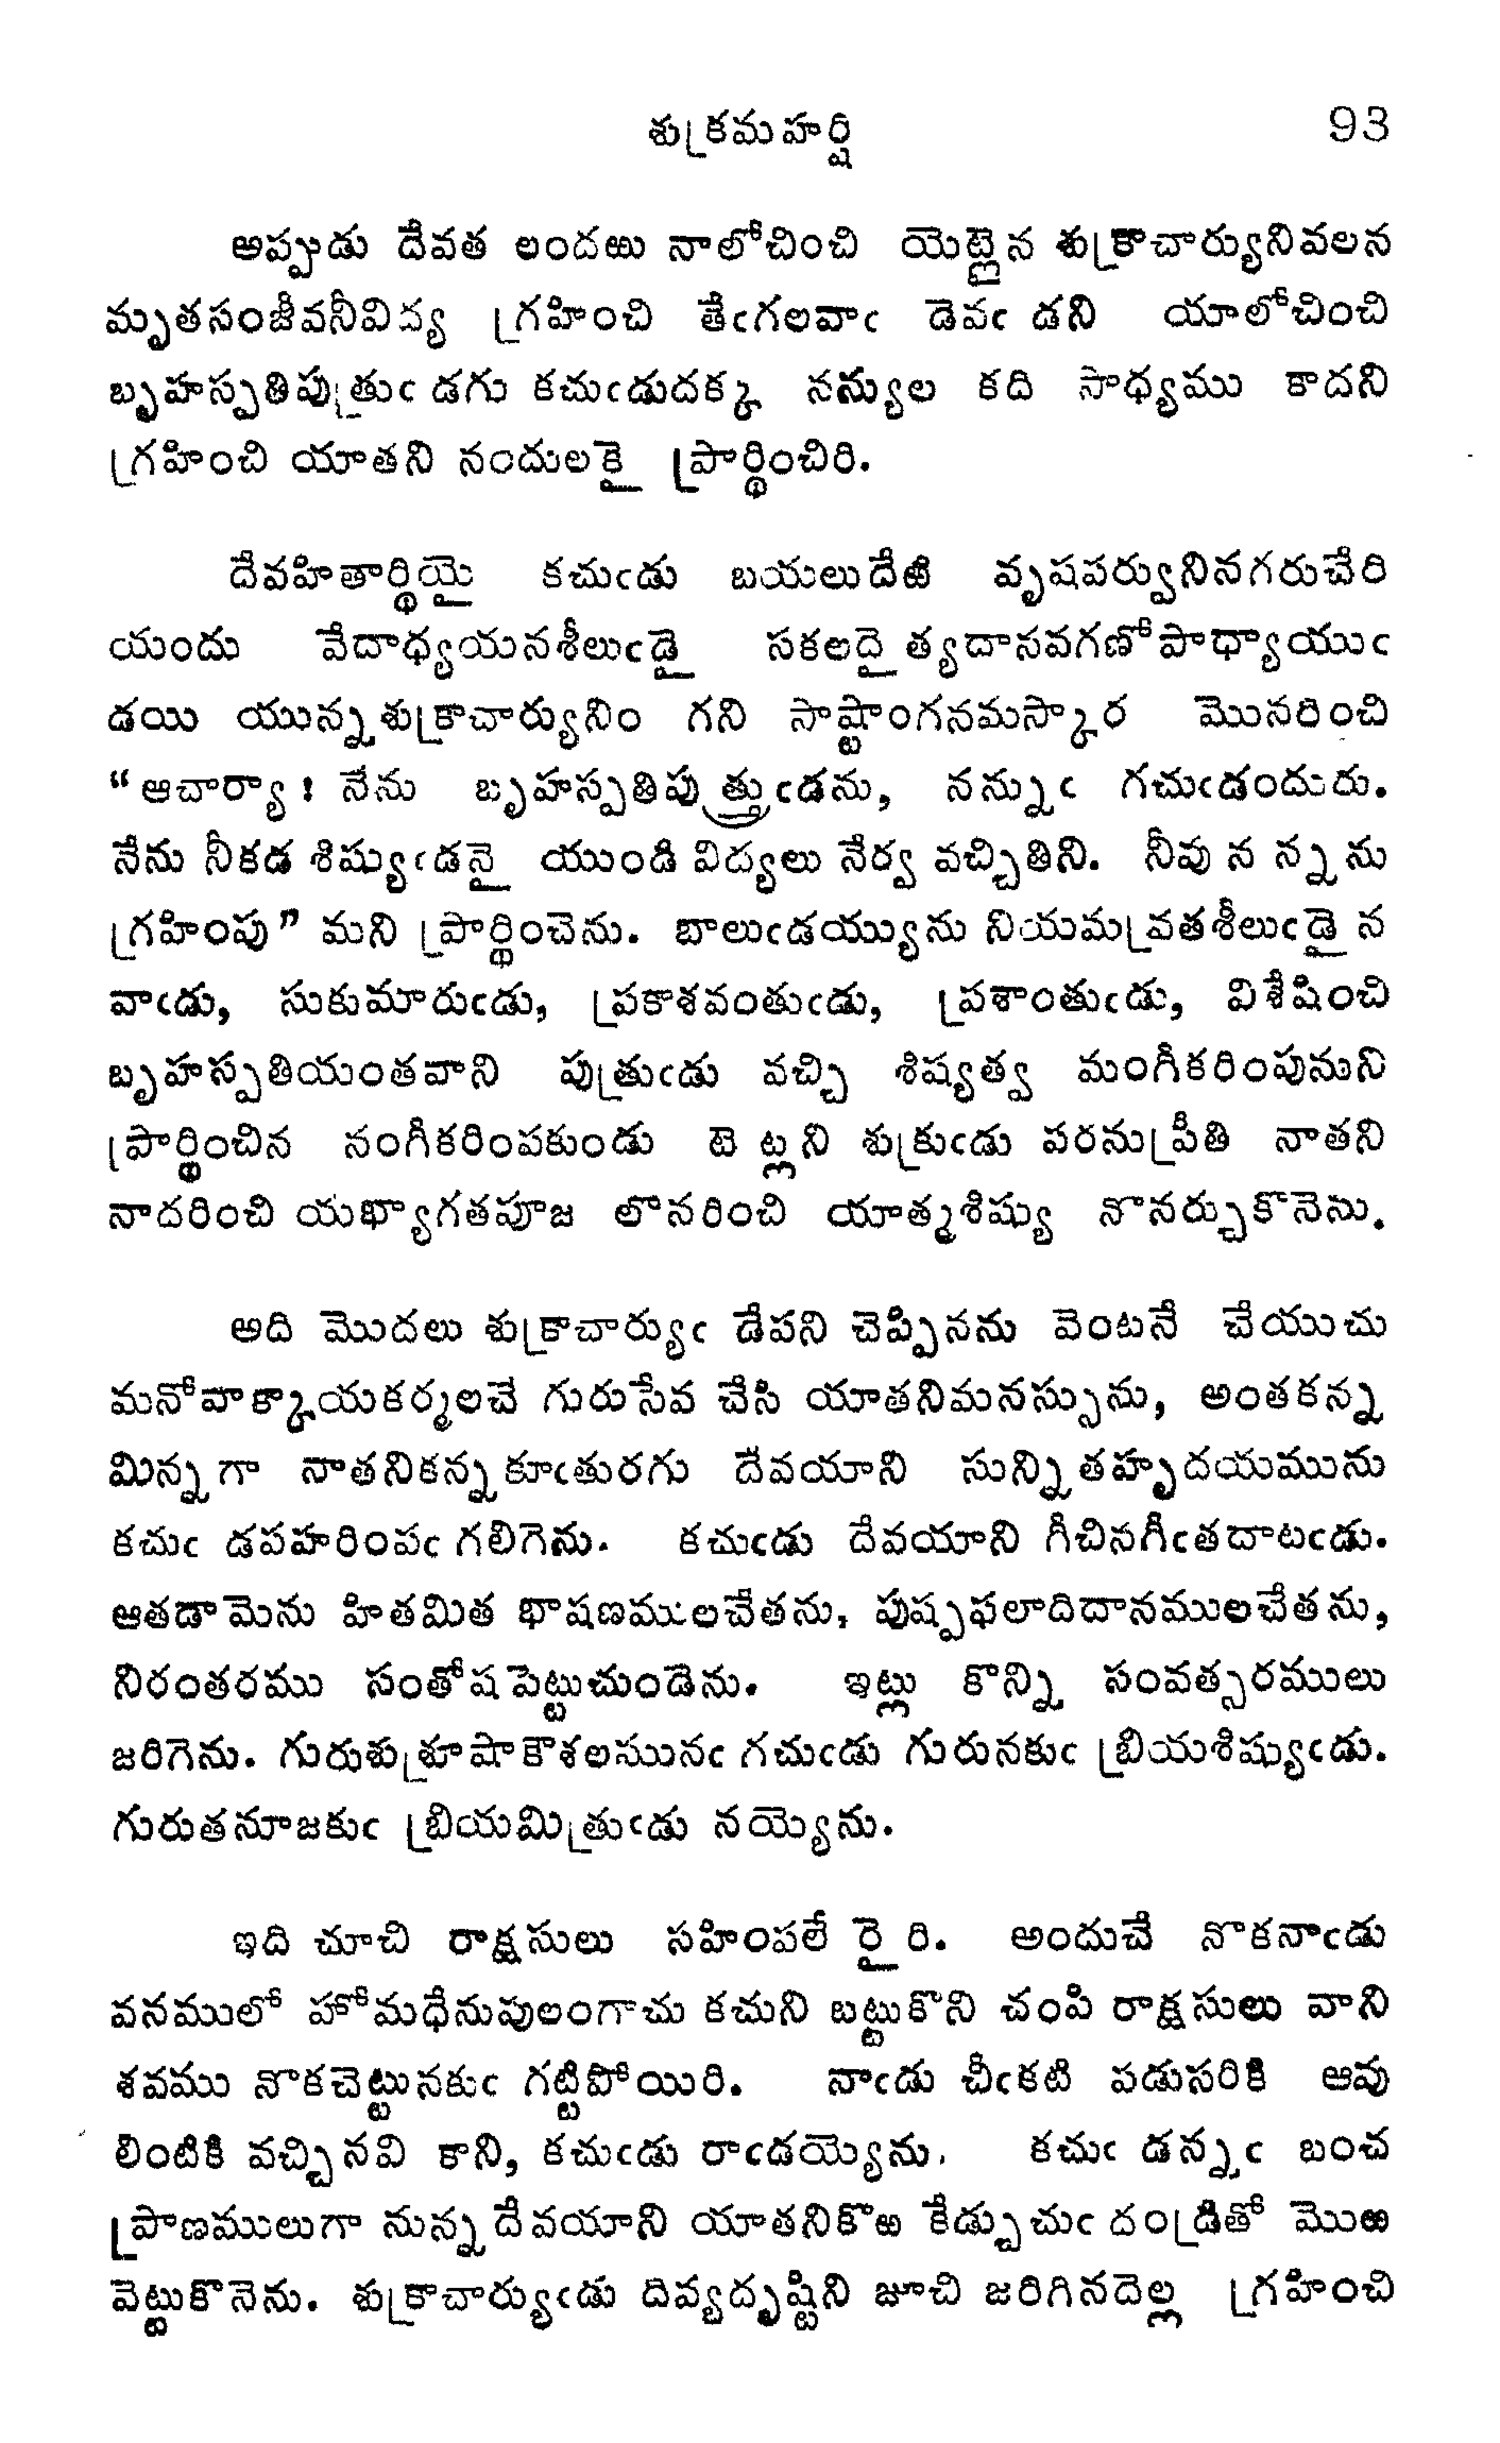అప్పుడు దేవత లందఱు నాలోచించి యెట్లైన శుక్రాచార్యునివలన మృతసంజీవనీవిద్య గ్రహించి తేఁగలవాఁ డెవఁ డని యాలోచించి బృహస్పతిపుత్రుఁ డగు కచుఁడుదక్క నన్యుల కది సాధ్యము కాదని గ్రహించి యాతని నందులకై ప్రార్థించిరి.

దేవహితార్థియై కచుఁడు బయలుదేఱి వృషపర్వునినగరుచేరి యందు వేదాధ్యయనశీలుఁడై సకలదైత్యదానవగణోపాధ్యాయుఁ డయి యున్న శుక్రాచార్యునిం గని సాష్టాంగనమస్కార మొనరించి “ఆచార్యా! నేను బృహస్పతిపుత్తుఁడను, నన్నుఁ గచుఁడందురు. నేను నీకడ శిష్యుఁడనై యుండి విద్యలు నేర్వ వచ్చితిని. నీవు న న్ననుగ్రహింపు" మని ప్రార్థించెను. బాలుఁడయ్యును నియమవ్రతశీలుఁడై న వాఁడు, సుకుమారుఁడు, ప్రకాశవంతుఁడు, ప్రశాంతుఁడు, విశేషించి బృహస్పతియంతవాని పుత్రుఁడు వచ్చి శిష్యత్వ మంగీకరింపునుని ప్రార్థించిన నంగీకరింపకుండు టెట్లని శుక్రుఁడు పరమప్రితి నాతని నాదరించి యభ్యాగతపూజ లొనరించి యాత్మశిష్యు నొనర్చుకొనెను.

అది మొదలు శుక్రాచార్యుఁ డేపని చెప్పినను వెంటనే చేయుచు మనోవాక్కాయకర్మలచే గురుసేవ చేసి యాతనిమనస్సును, అంతకన్న మిన్న గా నాతనికన్న కూఁతురగు దేవయాని సున్నితహృదయమును కచుఁ డపహరింపఁ గలిగెను. కచుఁడు దేవయాని గీచినగీఁతదాటఁడు. ఆతడామెను హితమిత భాషణములచేతను, పుష్పఫలాదిదానములచేతను, నిరంతరము సంతోష పెట్టుచుండెను. ఇట్లు కొన్ని సంవత్సరములు జరిగెను. గురుశుశ్రూషా కౌశలమునఁ గచుఁడు గురునకుఁ బ్రియశిష్యుఁడు. గురుతనూజకుఁ బ్రియమిత్రుఁడు నయ్యెను.

ఇది చూచి రాక్షసులు సహింపలే రైరి. అందుచే నొకనాఁడు వనములో హోమధేనుపులంగాచు కచుని బట్టుకొని చంపి రాక్షసులు వాని శవము నొకచెట్టునకుఁ గట్టిపోయిరి. నాఁడు చీఁకటి పడుసరికి ఆవు లింటికి వచ్చినవి కాని, కచుఁడు రాఁడయ్యెను. కచుఁ డన్నఁ బంచ ప్రాణములుగా నున్న దేవయాని యాతనికొఱ కేడ్చుచుఁ దండ్రితో మొఱ పెట్టుకొనెను. శుక్రాచార్యుఁడు దివ్యదృష్టిని జూచి జరిగినదెల్ల గ్రహించి